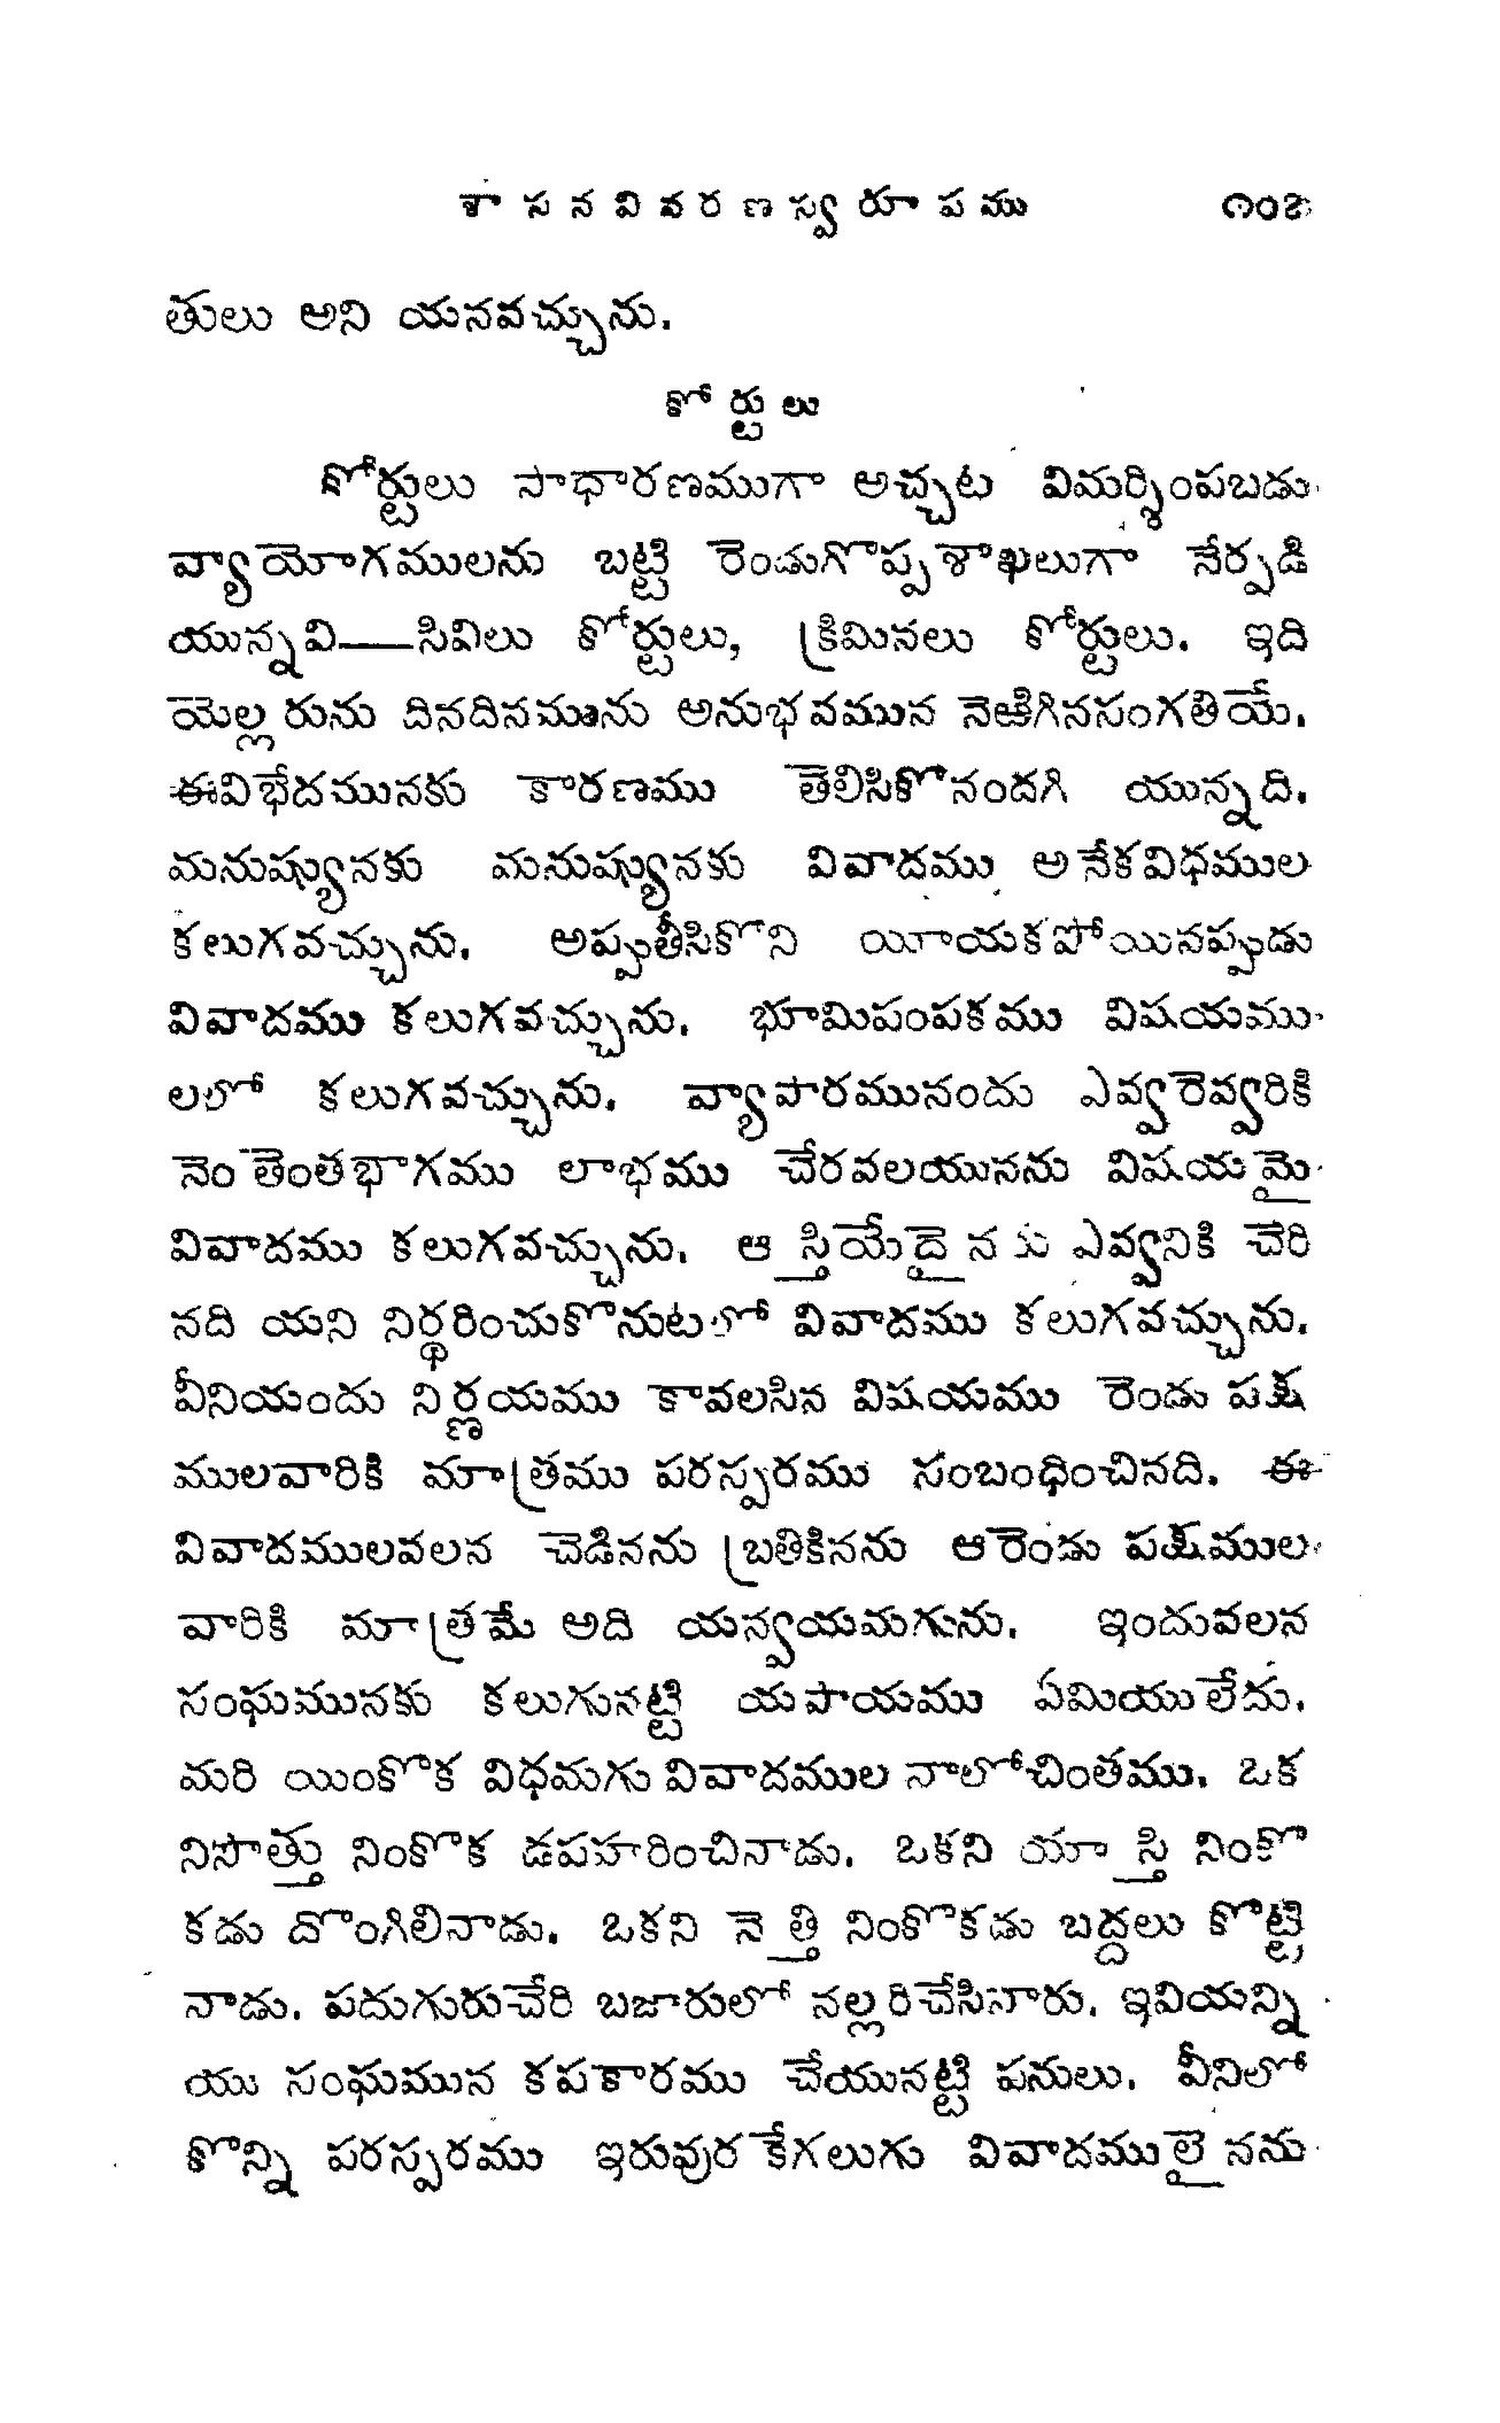తులు అని యనవచ్చును.

కోర్టులు సాధారణముగా అచ్చట విమర్శింపబడు వ్యాయోగములను బట్టి రెండగొప్పశాఖలుగా నేర్పడి
యున్నవి. సివిలు కోర్టులు, క్రిమినలు కోర్టులు. ఇది యెల్లరును దినదినమును అనుభవమున నెఱిగిన సంగతియే, ఈవిభేదమునకు కారణము తెలిసికొనందగి యున్నది. మనుష్యునకు మనుష్యునకు వివాదము అనేకవిధముల కలుగవచ్చును. అప్పుతీసికొని యీయకపోయినప్పుడు వివాదము కలుగవచ్చును. భూమిపంపకము విషయములలో కలుగవచ్చును. వ్యాపారమునందు ఎవ్వరెవ్వరికి
నెంతెంత భాగము లాభము చేరవలయునను విషయమై వివాదము కలుగవచ్చును. ఆస్తియేదైనను ఎవ్వనికి చేరినది యని నిర్థరించుకొనుటలో వివాదము కలుగవచ్చును. వీనియందు నిర్ణయము కావలసిన విషయము రెండు పక్షములవారికి మాత్రము పరస్పరము సంబంధించినది. ఈ
వివాదములవలన చెడినను బ్రతికినను ఆరెండు పక్షములవారికి మాత్రమే అది యన్వయమగును. ఇందువలన సంఘమునకు కలుగునట్టి యపాయము ఏమియులేదు. మరి యింకొక విధమగు వివాదముల నాలోచింతము. ఒకనిసొత్తు నింకొక డపహరించినాడు. ఒకని యాస్తి నింకొకడు దొంగిలినాడు. ఒకని నెత్తి నింకొకడు బద్దలు కొట్టినాడు. పదుగురుచేరి బజారులో నల్లరిచేసినారు. ఇవియన్నియు సంఘమున కపకారము చేయునట్టి పనులు. వీనిలో కొన్ని పరస్పరము ఇరువురకేగలుగు వివాదములైనను